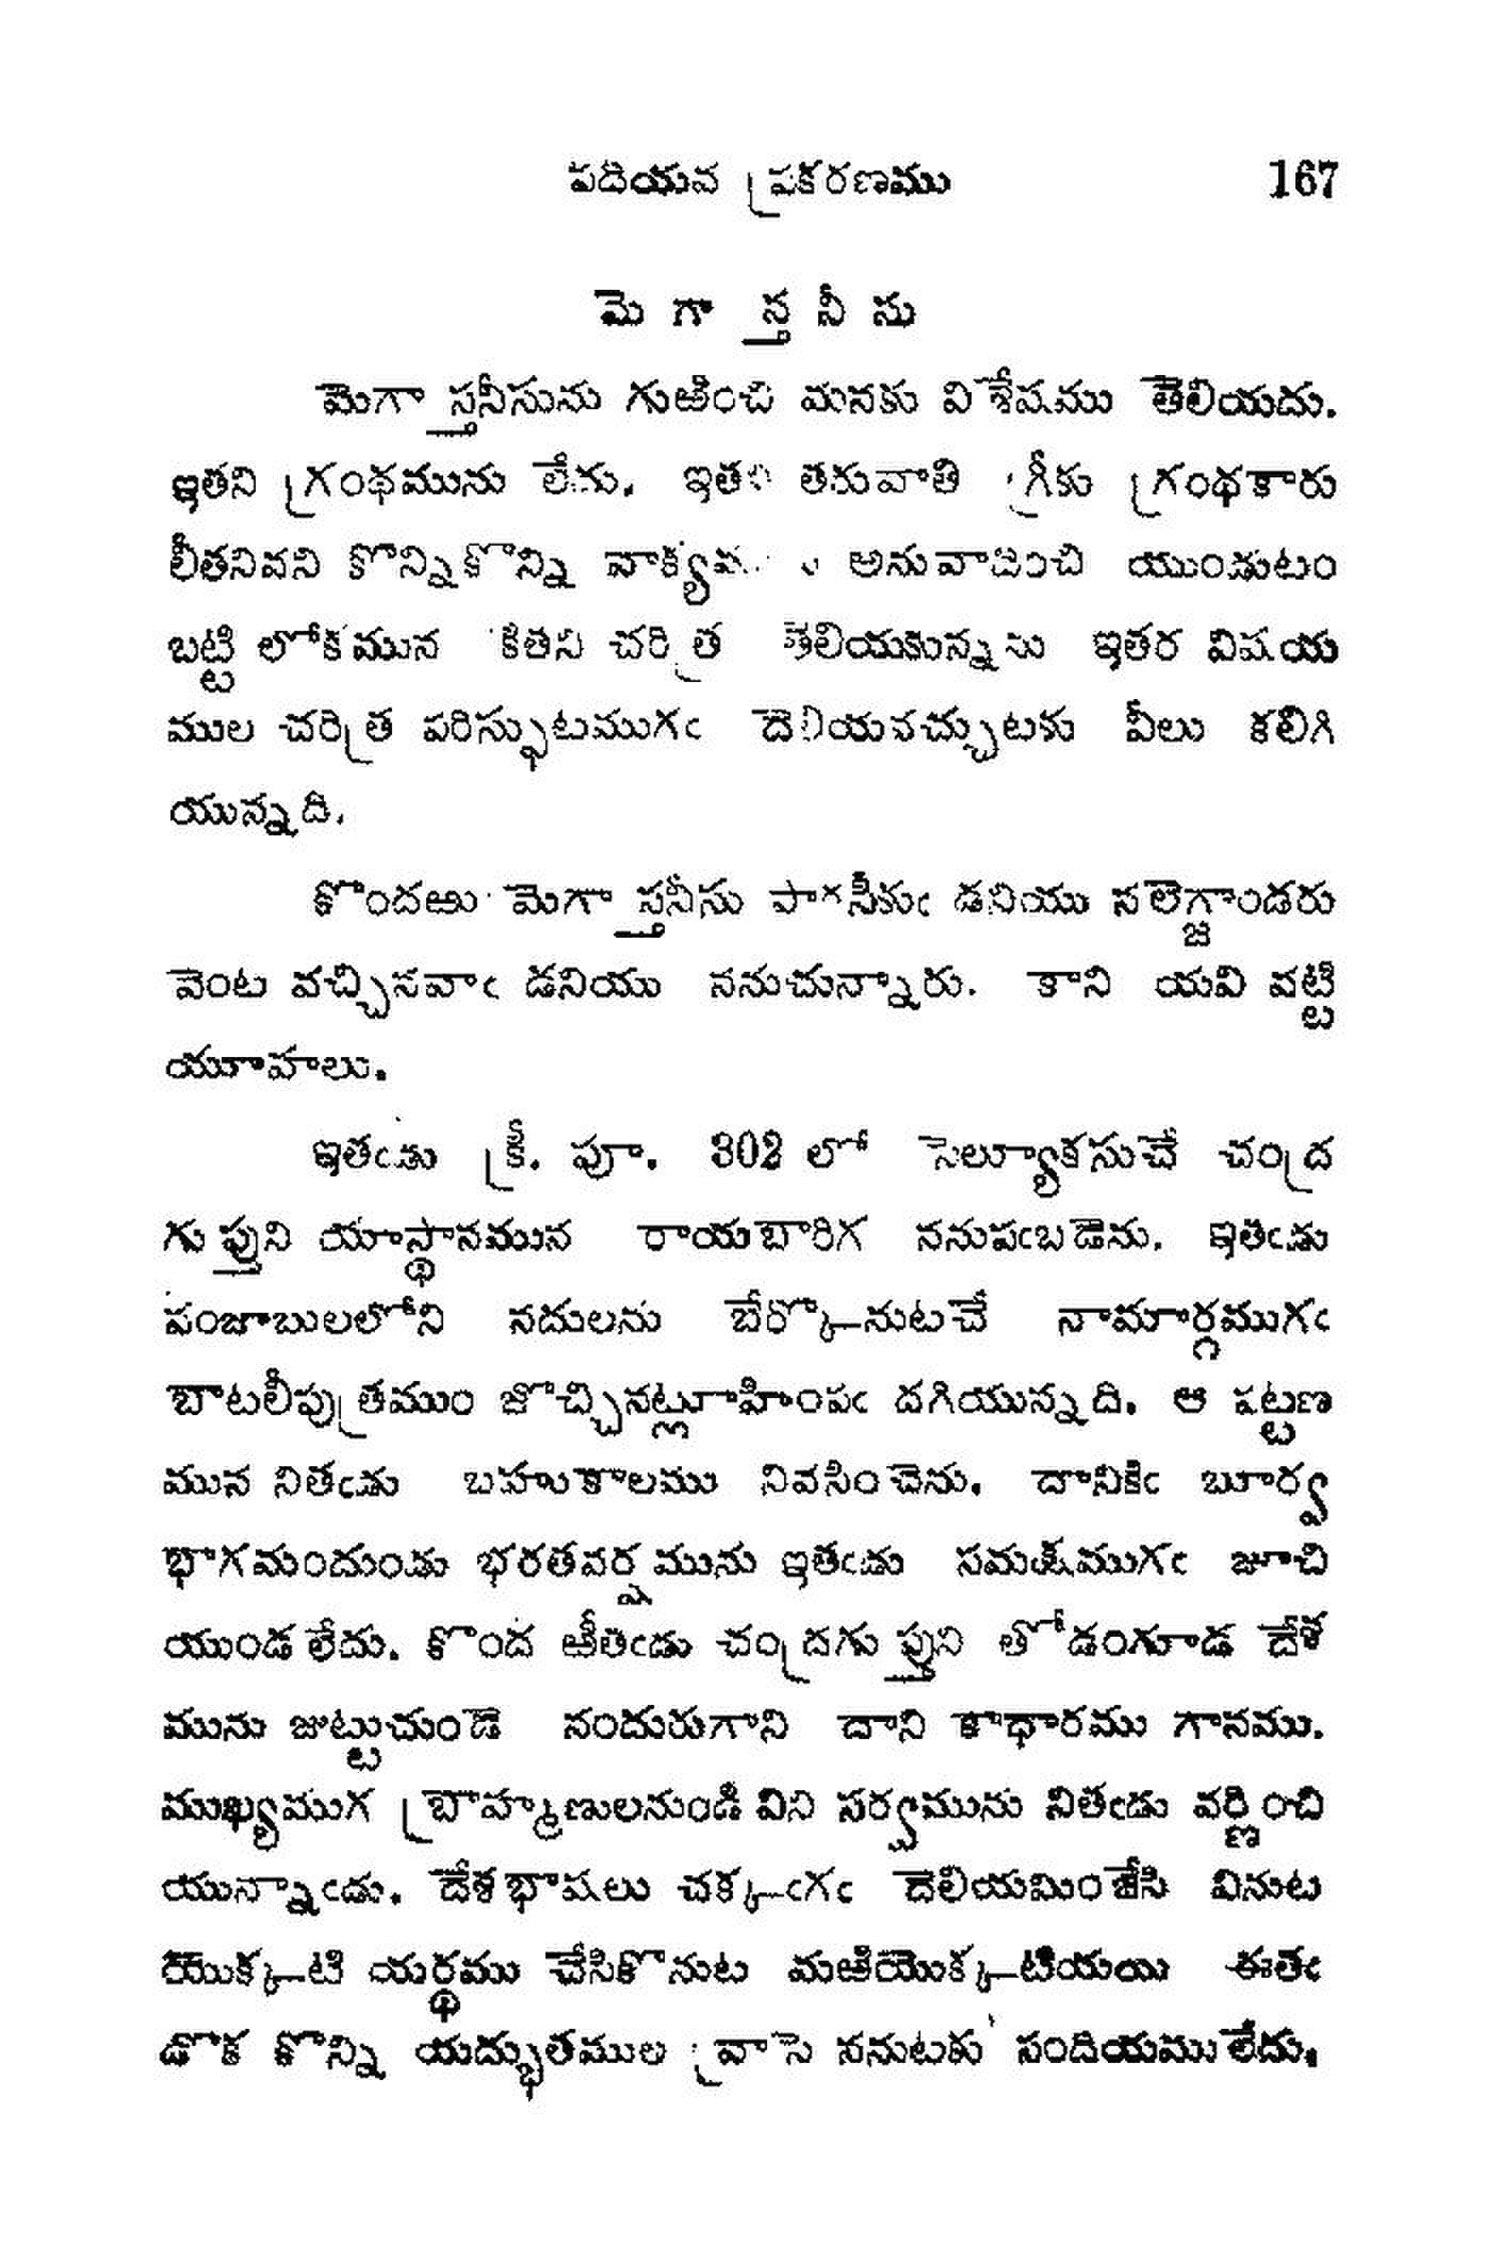మెగాస్తనీసు 

మెగాస్తనీసును గుఱించి మనకు విశేషము తెలియదు. ఇతని గ్రంథమును లేదు. ఇతని తరువాతి గ్రీకు గ్రంథకారు లీతనివని కొన్ని కొన్ని వాక్యములు అనువాదించి యుండుటం బట్టి లోకమున కితని చరిత్ర తెలియకున్నను ఇతర విషయముల చరిత్ర పరిస్ఫుటముగఁ దెయవచ్చుటకు వీలు కలిగి యున్నది.

కొందఱు మెగాస్తనీసు పారసీకుఁ డనియు నలెగ్జాండరు వెంట వచ్చినవాఁ డనియు ననుచున్నారు. కాని యవి వట్టి యూహలు,

ఇతఁడు క్రీ. పూ. 302 లో సెల్యూకసుచే చంద్రగుప్తుని యాస్థానమున రాయబారిగ ననుపఁబడెను. ఇతఁడు పంజాబులలోని నదులను బేర్కొనుటచే నామార్గముగఁ బాటలీపు త్రముం జొచ్చినట్లూహింపఁ దగియున్నది. ఆ పట్టణమున నితఁడు బహుకాలము నివసించెను. దానికి బూర్వ భాగమందుండు భరతవర్షమును ఇతఁడు సమక్షముగఁ జూచి యుండలేదు. కొంద ఱీతఁడు చంద్రగుప్తుని తోడంగూడ దేశమును జుట్టుచుండె నందురుగాని దాని కాధారము గానము, ముఖ్యముగ బ్రాహ్మణులనుండి విని సర్వమును నితఁడు వర్ణించి యున్నాఁడు. దేశభాషలు చక్కఁగఁ దెలియమింజేసి వినుట యొక్కటి యర్థము చేసికొనుట మఱియొక్కటియయి. ఈతఁడొక కొన్ని యద్భుతముల వ్రాసె ననుటకు సందియములేదు.